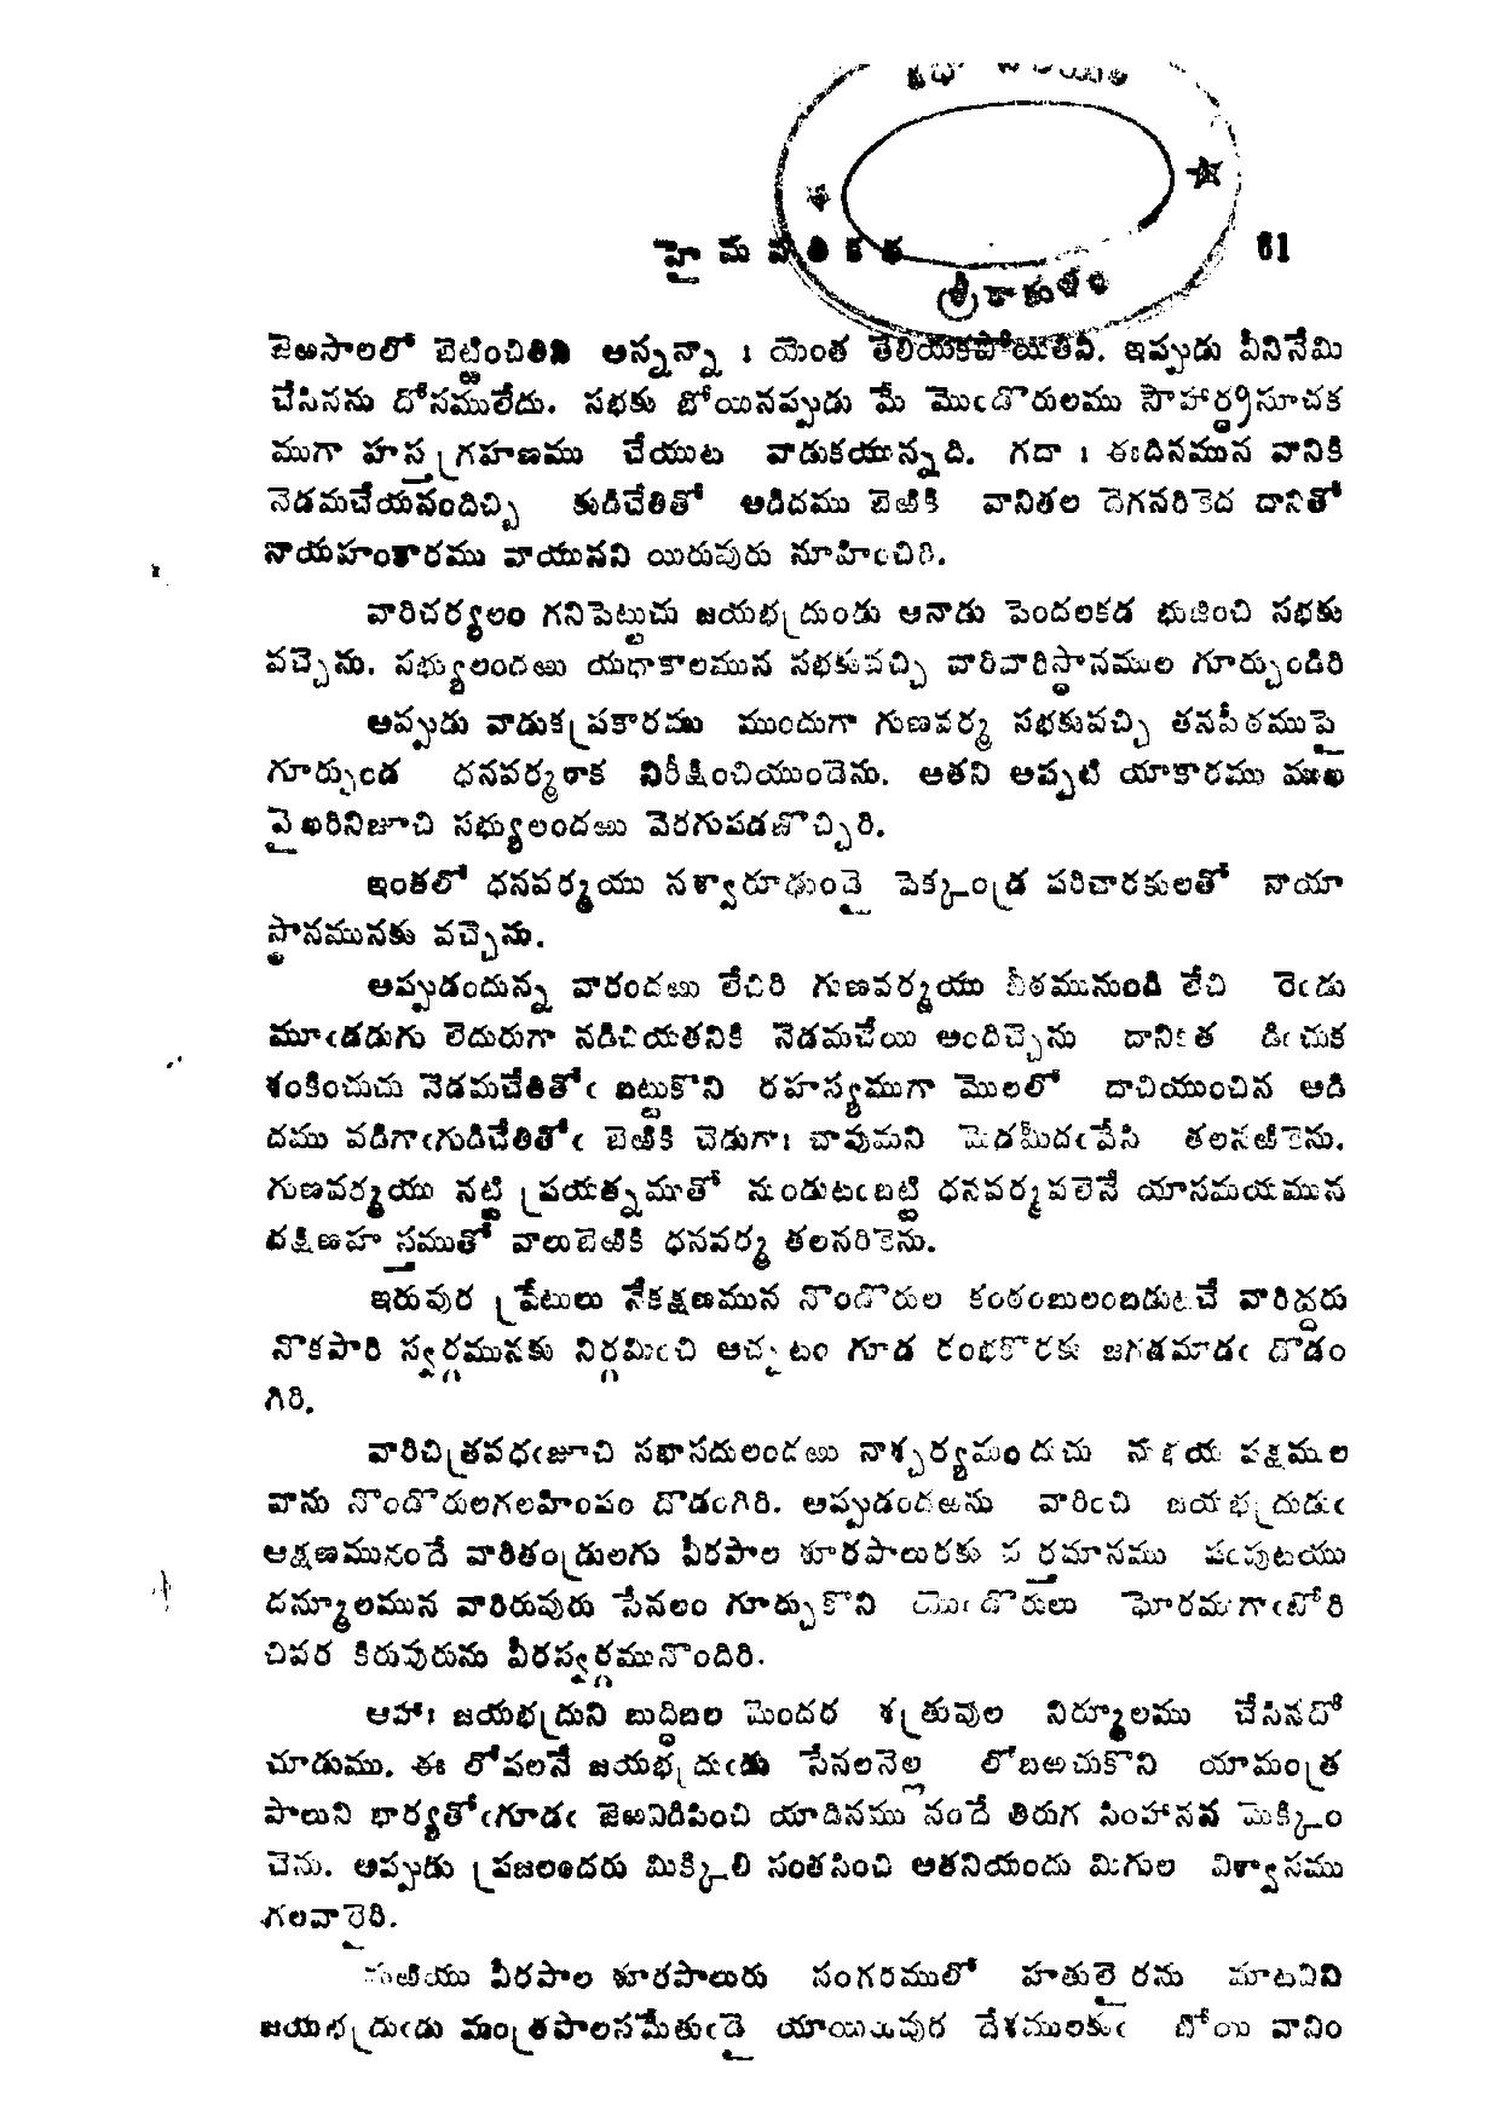జెఱసాలలో బెట్టించితిని అన్నన్నా! యెంత తెలియకపోయితిని. ఇప్పుడు వీని నేమి చేసినను దోసములేదు. సభకు బోయినప్పుడు మే మొండొరులము సౌహార్ద్రసూచకముగా హస్తగ్రహణము చేయుట వాడుకయున్నది. గదా! ఈదినమున వానికి నెడమచేయనందిచ్చి కుడిచేతితో ఆడిదము బెఱికి వానితల దెగనరికెద దానితో నాయహంకారము వాయునని యిరువురు నూహించిరి.

వారిచర్యలం గనిపెట్టుచు జయభద్రుండు ఆనాడు పెందలకడ భుజించి సభకు వచ్చెను. సభ్యులందఱు యథాకాలమున సభకువచ్చి వారివారిస్థానముల గూర్చుండిరి

అప్పుడు వాడుకప్రకారము ముందుగా గుణవర్మ సభకువచ్చి తనపీఠముపై గూర్పుండ ధనవర్మరాక నిరీక్షించియుండెను. అతని అప్పటి యాకారము ముఖవైఖరినిజూచి సభ్యులందఱు వెరగుపడజొచ్చిరి.

ఇంతలో ధనవర్మయు నశ్వారూఢుండై పెక్కండ్ర పరిచారకులతో నాయాస్థానమునకు వచ్చెను.

అప్పుడందున్న వారందఱు లేచిరి గుణవర్మయు బీఠమునుండి లేచి రెండు మూఁడడుగు లెదురుగా నడిచి యతనికి నెడమచేయి అందిచ్చెను దాని కత డించుక శంకించుచు నెడమచేతితోఁ బట్టుకొని రహస్యముగా మొలలో దాచియుంచిన అడిదము వడిగాఁ గుడిచేతితోఁ బెఱికి చెడుగా! చావుమని మెడమీదఁవేసి తలనఱికెను. గుణవర్మయు నట్టి ప్రయత్నముతో నుండుటఁబట్టి ధనవర్మవలెనే యాసమయమున దక్షిణహస్తముతో వాలుబెఱికి ధనవర్మ తలనరికెను.

ఇరువుర వ్రేటులు నేకక్షణమున నొండొరుల కంఠంబులంబడుటచే వారిద్దరు నొకసారి స్వర్గమునకు నిర్గమించి అచ్చటం గూడ రంభకొరకు జగడమాడఁ దొడంగిరి.

వారిచిత్రవధఁ జూచి సభాసదులందఱు నాశ్చర్యమందుచు నుభయపక్షములవారు నొండొరుల గలహింపం దొడంగిరి. అప్పుడందఱును వారించి జయభద్రుడుఁ ఆక్షణమునందే వారితండ్రులగు వీరపాల శూరపాలురకు వర్తమానము పంపుటయు దన్మూలమున వారిరువురు సేనలం గూర్చుకొని యొండొరులు ఘోరముగాఁ బోరి చివర కిరువురును వీరస్వర్గమునొందిరి.

ఆహా! జయభద్రుని బుద్దిబల మెందర శత్రువుల నిర్మూలము చేసినదో చూడుము. ఈ లోపలనే జయభద్రుఁడు సేనలనెల్ల లోబఱచుకొని యామంత్రపాలుని భార్యతోఁగూడఁ జెఱ విడిపించి యాదినమునందే తిరుగ సింహాసన మెక్కించెను. అప్పుడు ప్రజలందరు మిక్కిలి సంతసించి అతనియందు మిగుల విశ్వాసము గలవారైరి.

మఱియు వీరపాల శూరపాలురు సంగరములో హతులైరను మాటవిని జయభద్రుఁడు మంత్రపాలసమేతుఁడై యాయిరువుర దేశములకుఁ బోయి వానిం